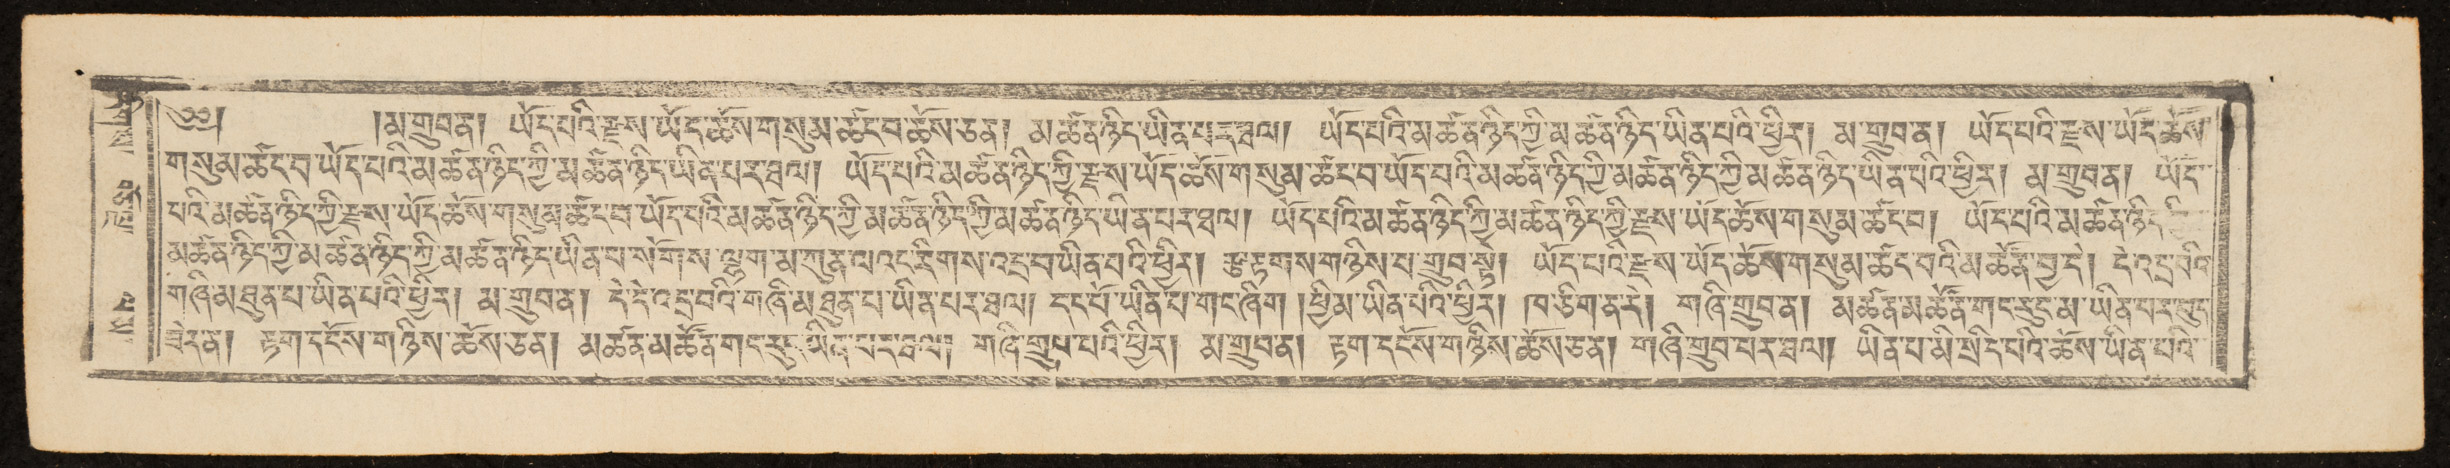༄༅། །མ་གྲུབ་ན། ཡོད་པའི་རྫས་ཡོད་ཆོས་གསུམ་ཚང་བ་ཆོས་ཅན། མཚན་ཉིད་ཡིན་པར་ཐལ། ཡོད་པའི་མཚན་ཉིད་ཀྱི་མཚན་ཉིད་ཡིན་པའི་ཕྱིར། མ་གྲུབ་ན། ཡོད་པའི་རྫས་ཡོད་ཆོས་
གསུམ་ཚང་བ་ཡོད་པའི་མཚན་ཉིད་ཀྱི་མཚན་ཉིད་ཡིན་པར་ཐལ། ཡོད་པའི་མཚན་ཉིད་ཀྱི་རྫས་ཡོད་ཆོས་གསུམ་ཚང་བ་ཡོད་པའི་མཚན་ཉིད་ཀྱི་མཚན་ཉིད་ཀྱི་མཚན་ཉིད་ཡིན་པའི་ཕྱིར། མ་གྲུབ་ན། ཡོད་
པའི་མཚན་ཉིད་ཀྱི་རྫས་ཡོད་ཆོས་གསུམ་ཚང་བ་ཡོད་པའི་མཚན་ཉིད་ཀྱི་མཚན་ཉིད་ཀྱི་མཚན་ཉིད་ཡིན་པར་ཐལ། ཡོད་པའི་མཚན་ཉིད་ཀྱི་མཚན་ཉིད་ཀྱི་རྫས་ཡོད་ཆོས་གསུམ་ཚང་བ། ཡོད་པའི་མཚན་ཉིད་ཀྱི་
མཚན་ཉིད་ཀྱི་མཚན་ཉིད་ཀྱི་མཚན་ཉིད་ཡིན་པ་སོགས་ལྷག་མ་ཀུན་ལའང་རིགས་འདྲ་བ་ཡིན་པའི་ཕྱིར། རྩ་རྟགས་གཉིས་པ་གྲུབ་སྟེ། ཡོད་པའི་རྫས་ཡོད་ཆོས་གསུམ་ཚང་བའི་མཚོན་བྱ་དེ། དེ་འདྲ་བའི་
གཞི་མཐུན་པ་ཡིན་པའི་ཕྱིར། མ་གྲུབ་ན། དེ་དེ་འདྲ་བའི་གཞི་མཐུན་པ་ཡིན་པར་ཐལ། དང་པོ་ཡིན་པ་གང་ཞིག །ཕྱི་མ་ཡིན་པའི་ཕྱིར། ཁ་ཅིག་ན་རེ། གཞི་གྲུབ་ན། མཚན་མཚོན་གང་རུང་མ་ཡིན་པར་བུད་
ཟེར་ན། རྟག་དངོས་གཉིས་ཆོས་ཅན། མཚན་མཚོན་གང་རུང་ཡིན་པར་ཐལ། གཞི་གྲུབ་པའི་ཕྱིར། མ་གྲུབ་ན། རྟག་དངོས་གཉིས་ཆོས་ཅན། གཞི་གྲུབ་པར་ཐལ། ཡིན་པ་མི་སྲིད་པའི་ཆོས་ཡིན་པའི་